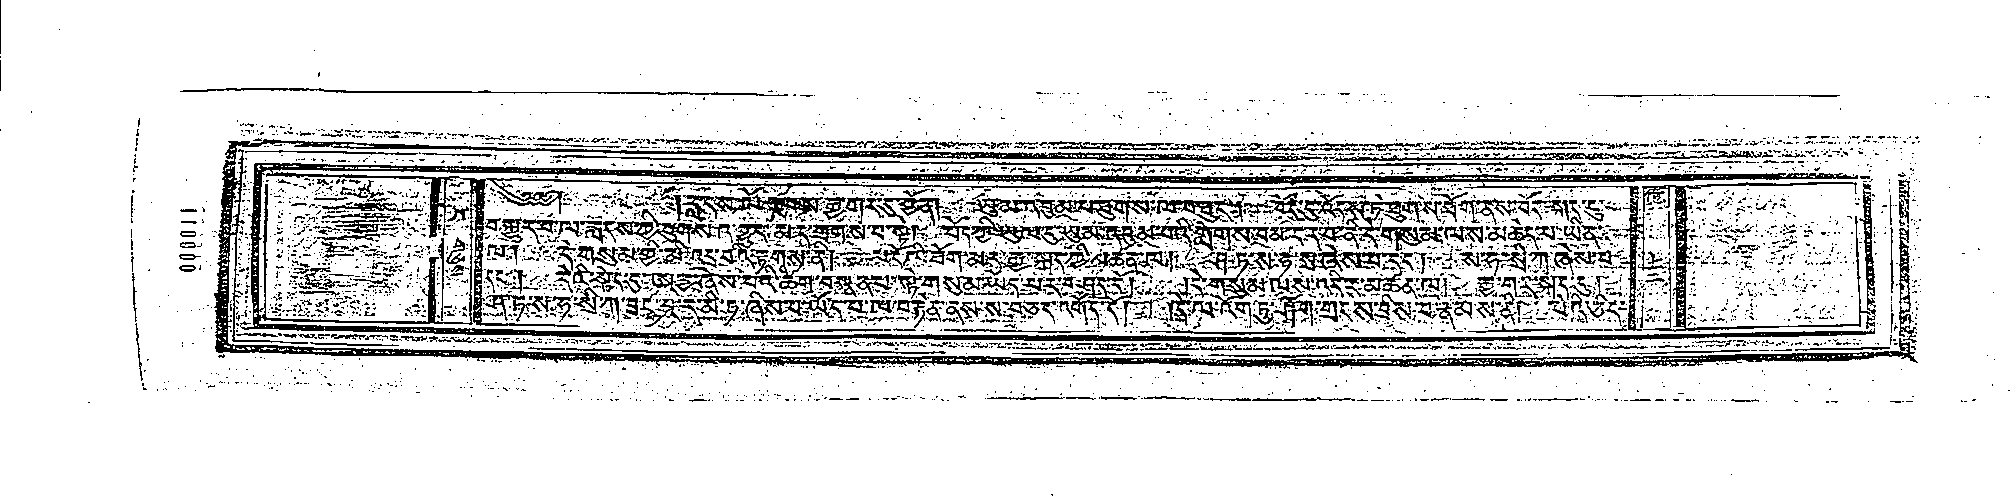༄༅༅། །རླངས་ལོ་ཙཱ་བས་རྒྱ་གར་དུ་བྱོན། ཡུམ་འབུམ་བ་ཐུགས་ལ་བཟུང་། བོད་དུ་འོངས་ཏེ་ཐུགས་ཐོག་ནས་བོད་སྐད་དུ་
བསྒྱུར་བ་ལ་རླངས་ཀྱི་ཐུགས་འབྱུང་མད་གྲགས་པ་སྟེ། བོད་ཀྱི་ཡུལ་དུ་ཡུམ་འབུམ་པའི་གླེགས་བམ་ངར་བ་ནི་དེ་གསུམ་ལས་མཆེད་པ་ཡིན་
ལ། དེ་གསུམ་གྱི་མི་འདྲ་བའི་རྟགས་ནི། མདོའི་ཐོག་མར་རྒྱ་སྐད་ཀྱི་མཚན་ལ། ཤ་ཏ་ས་ཏ་སྲ་ཞེས་པ་དང་། ས་ཧ་སྲི་ཀ་ཞེས་པ་
དང་། དེའི་སྟེང་དུ་ཨཱརྱ་ཞེས་པའི་ཚིག་བསྣན་པ་སྟེ་གསུམ་ཡོད་པར་བཤད་དོ། །དེ་གསུམ་ལས་འདིར་མཚན་ལ། རྒྱ་གར་སྐད་དུ།
ཤ་ཏ་ས་ཧ་སྲི་ཀ་བྲ་ཛྙཱ་བཱ་ར་མི་ཏ་ཞེས་པ་ཡོད་བ་ལ་བརྟེན་ནས་བཅད་འགོད་དོ། །དེ་ལ་འོག་ཏུ་ཤོག་གྲངས་བྲིས་པ་རྣམས་ནི། པེའི་ཅིང་